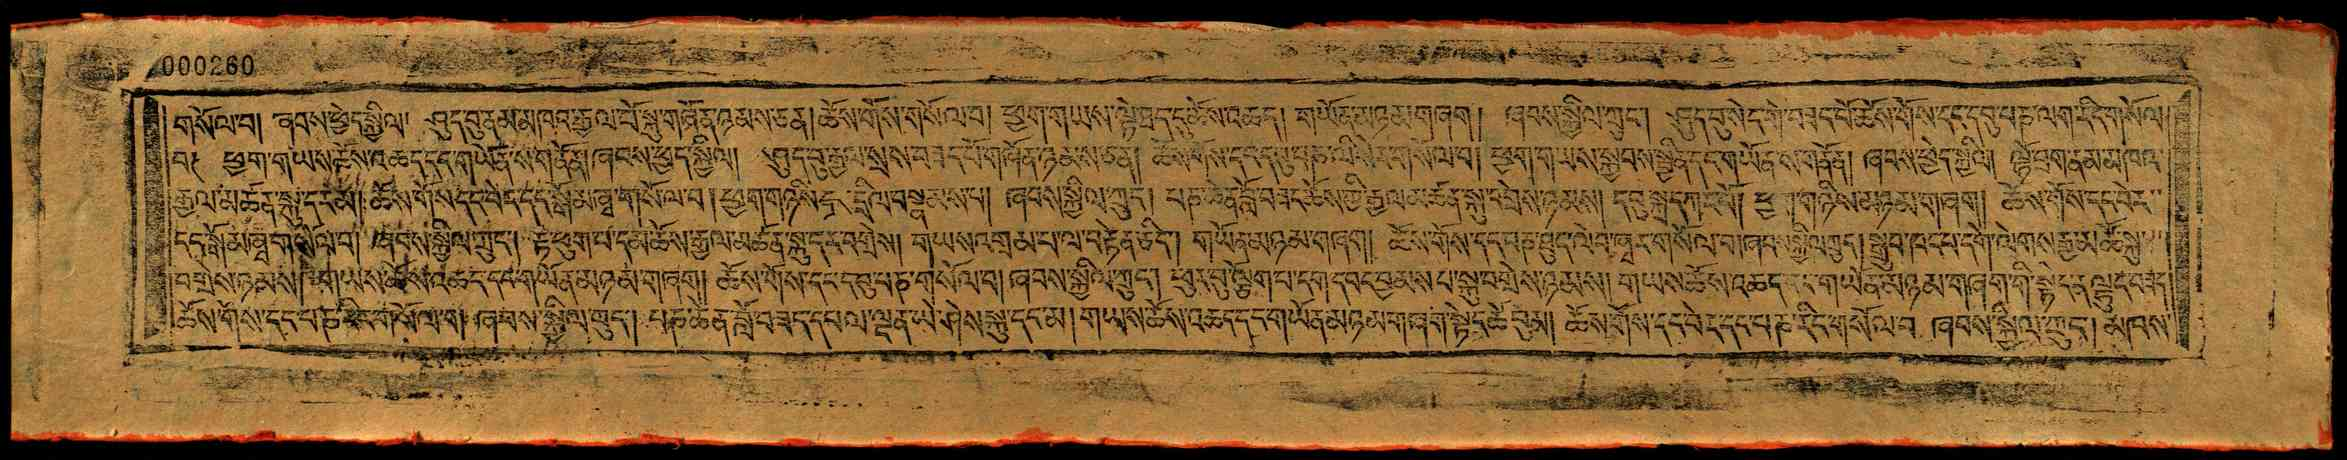གསོལ་བ། ཞབས་ཕྱེད་སྐྱིལ། ཤུད་བུ་ནམ་མཁའ་རྒྱལ་པོ་སྐུ་གཞོན་ཉམས་ཅན། ཆོས་གོས་གསོལ་བ། ཕྱག་གཡས་ལྟེ་ཐད་དུ་ཆོས་འཆད། གཡོན་མཉམ་གཞག། ཞབས་སྐྱིལ་ཀྲུང་། ཤུད་བུ་སེང་གེ་བཟང་པོ་ཆོས་གོས་དང་དབུ་པཎ་ལག་རིང་གསོལ་
བ༑ ཕྱག་གཡས་ཆོས་འཆད་དང་གཡོན་ས་གནོན། ཞབས་ཕྱེད་སྐྱིལ། ཤུད་བུ་རྒྱལ་སྲས་བཟང་པོ་གཞོན་ཉམས་ཅན། ཆོས་གོས་དང་དབུ་པཎ་ལི་སེར་གསོལ་བ། ཕྱག་གཡས་སྐྱབས་སྦྱིན་དང་གཡོན་ས་གནོན། ཞབས་ཕྱེད་སྐྱིལ། ལྷོ་བྲག་ནམ་མཁའ་
རྒྱལ་མཚན་སྐུ་དར་མ། ཆོས་གོས་དང་བེར་དང་སྒོམ་ཞྭ་གསོལ་བ། ཕྱག་གཉིས་ཊྵར་དྲིལ་བསྣམས་པ། ཞབས་སྐྱིལ་ཀྲུང་། པཎ་ཆེན་བློ་བཟང་ཆོས་ཀྱི་རྒྱལ་མཚན་སྐུ་བགྲེས་ཉམས། དབུ་སྐྲ་དཀར་པོ། ཕྱག་གཉིས་མཉམ་གཞག། ཆོས་གོས་དང་བེར་
དང་སྒོམ་ཞྭ་གསོལ་བ། ཞབས་སྐྱིལ་ཀྲུང་། རྟ་ཕུག་པ་དམ་ཆོས་རྒྱལ་མཚན་སྐུ་དར་བགྲེས། གཡས་འགྲམ་པ་ལ་བརྟེན་ཅིང་། གཡོན་མཉམ་གཞག། ཆོས་གོས་དང་པཎ་ཐུང་ལེབ་ཞྭར་གསོལ་བ། ཞབས་སྐྱིལ་ཀྲུང་། སྒྲུབ་ཁང་བ་དགེ་ལེགས་རྒྱ་མཚོ་སྐུ་
བགྲེས་ཉམས། གཡས་ཆོས་འཆད་དང་གཡོན་མཉམ་གཞག། ཆོས་གོས་དང་དབུ་པཎ་གསོལ་བ། ཞབས་སྐྱིལ་ཀྲུང་། ཕུར་བུ་ལྕོག་པ་དག་དབང་བྱམས་པ་སྐུ་བགྲེས་ཉམས། གཡས་ཆོས་འཆད་དང་གཡོན་མཉམ་གཞག་གི་སྟེང་ན་ལྷུང་བཟེད་
ཆོས་གོས་དང་པཎ་རིང་གསོལ་བ། ཞབས་སྐྱིལ་ཀྲུང་། པཎ་ཆེན་བློ་བཟང་དཔལ་ལྡན་ཡེ་ཤེས་སྐུ་དར་མ། གཡས་ཆོས་འཆད་དང་གཡོན་མཉམ་གཞག་སྟེང་ཚེ་བུམ། ཆོས་གོས་དང་བེར་དང་པཎ་རིང་གསོལ་བ། ཞབས་སྐྱིལ་ཀྲུང་། མཁས་